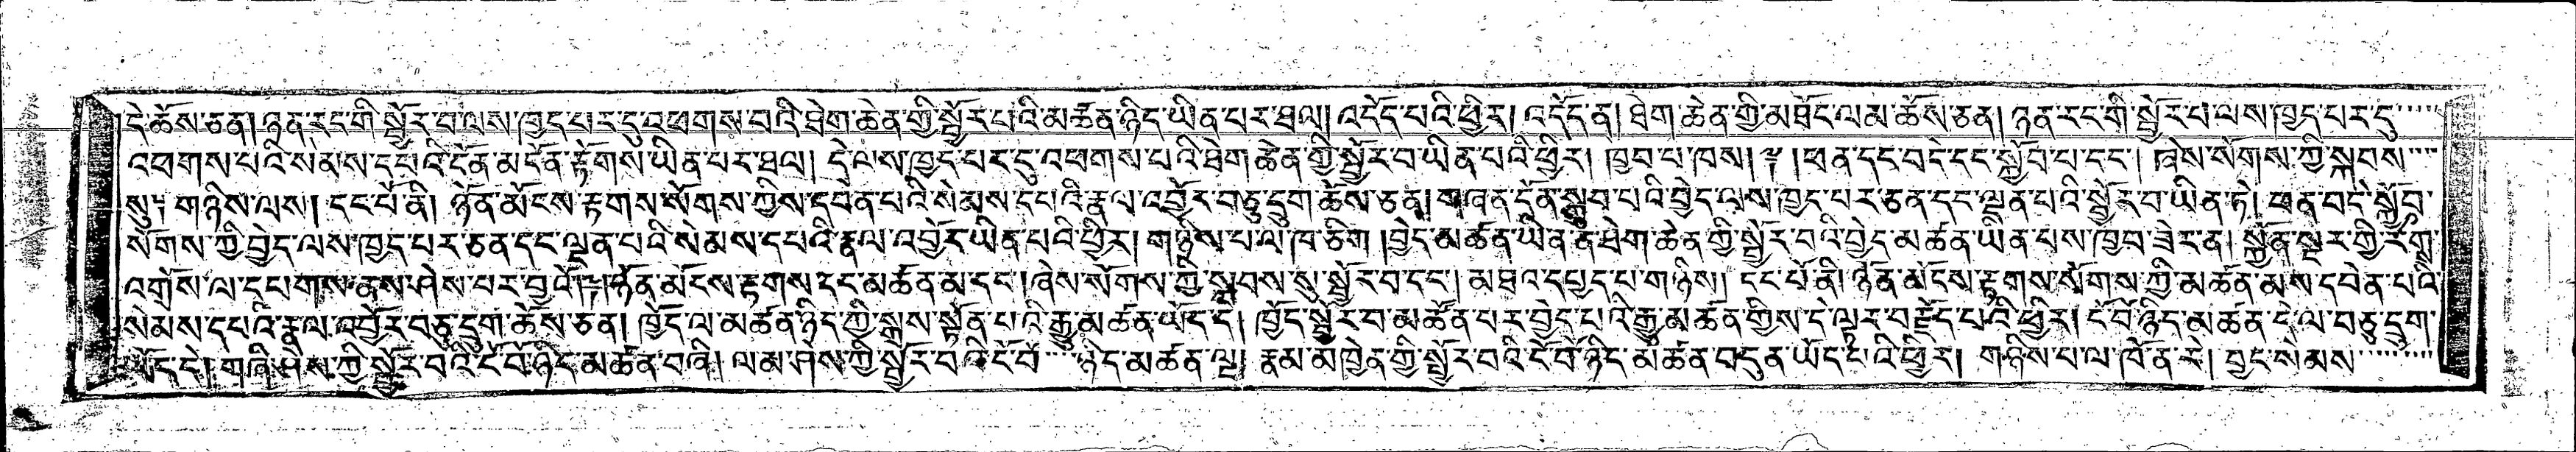དེ་ཆོས་ཅན། ཉན་རང་གི་སྦྱོར་བ་ལས་ཁྱད་པར་དུ་འཕགས་པའི་ཐེག་ཆེན་གྱི་སྦྱོར་བའི་མཚན་ཉིད་ཡིན་པར་ཐལ། འདོད་པའི་ཕྱིར། འདོད་ན། ཐེག་ཆེན་གྱི་མཐོང་ལམ་ཆོས་ཅན། ཉན་རང་གི་སྦྱོར་བ་ལས་ཁྱད་པར་དུ་
འཕགས་པའི་སེམས་དཔའི་དོན་མངོན་རྟོགས་ཡིན་པར་ཐལ། དེ་ལས་ཁྱད་པར་དུ་འཕགས་པའི་ཐེག་ཆེན་གྱི་སྦྱོར་བ་ཡིན་པའི་ཕྱིར། ཁྱབ་པ་ཁས། ༈ །ཕན་དང་བདེ་དང་སྐྱོབ་པ་དང་། ཞེས་སོགས་ཀྱི་སྐབས་
སུ༑ གཉིས་ལས། དང་པོ་ནི། ཉོན་མོངས་རྟགས་སོགས་ཀྱིས་དབེན་པའི་སེམས་དཔའི་རྣལ་འབྱོར་བཅུ་དྲུག་ཆོས་ཅན། གཞན་དོན་སྒྲུབ་པའི་བྱེད་ལས་ཁྱད་པར་ཅན་དང་ལྡན་པའི་སྦྱོར་བ་ཡིན་ཏེ། ཕན་བདེ་སྐྱོབ་
སོགས་ཀྱི་བྱེད་ལས་ཁྱད་པར་ཅན་དང་ལྡན་པའི་སེམས་དཔའི་རྣལ་འབྱོར་ཡིན་པའི་ཕྱིར། གཉིས་པ་ལ་ཁ་ཅིག །བྱེད་མཚན་ཡིན་ན་ཐེག་ཆེན་གྱི་སྦྱོར་བའི་བྱེད་མཚན་ཡིན་པས་ཁྱབ་ཟེར་ན། སྐྱོན་སྔར་གྱི་རིགས་
འགྲོས་ལ་དཔགས་ནས་ཤེས་པར་བྱའོ། ༈ །ཉོན་མོངས་རྟགས་དང་མཚན་མ་དང་། ཞེས་སོགས་ཀྱི་སྐབས་སུ་སྦྱོར་བ་དང་། མཐའ་དཔྱད་པ་གཉིས། དང་པོ་ནི། ཉོན་མོངས་རྟགས་སོགས་ཀྱི་མཚན་མས་དབེན་པའི་
སེམས་དཔའི་རྣལ་འབྱོར་བཅུ་དྲུག་ཆོས་ཅན། ཁྱོད་ལ་མཚན་ཉིད་ཀྱི་སྒྲས་སྟོན་པའི་རྒྱུ་མཚན་ཡོད་དེ། ཁྱོད་སྦྱོར་བ་མཚོན་པར་བྱེད་པའི་རྒྱུ་མཚན་གྱིས་དེ་ལྟར་བརྗོད་པའི་ཕྱིར། ངོ་བོ་ཉིད་མཚན་དེ་ལ་བཅུ་དྲུག་
ཡོད་དེ། གཞི་ཤེས་ཀྱི་སྦྱོར་བའི་ངོ་བོ་ཉིད་མཚན་བཞི། ལམ་ཤེས་ཀྱི་སྦྱོར་བའི་ངོ་བོ་ཉིད་མཚན་ལྔ། རྣམ་མཁྱེན་གྱི་སྦྱོར་བའི་ངོ་བོ་ཉིད་མཚན་བདུན་ཡོད་པའི་ཕྱིར། གཉིས་པ་ལ་ཁོ་ན་རེ། བྱང་སེམས་